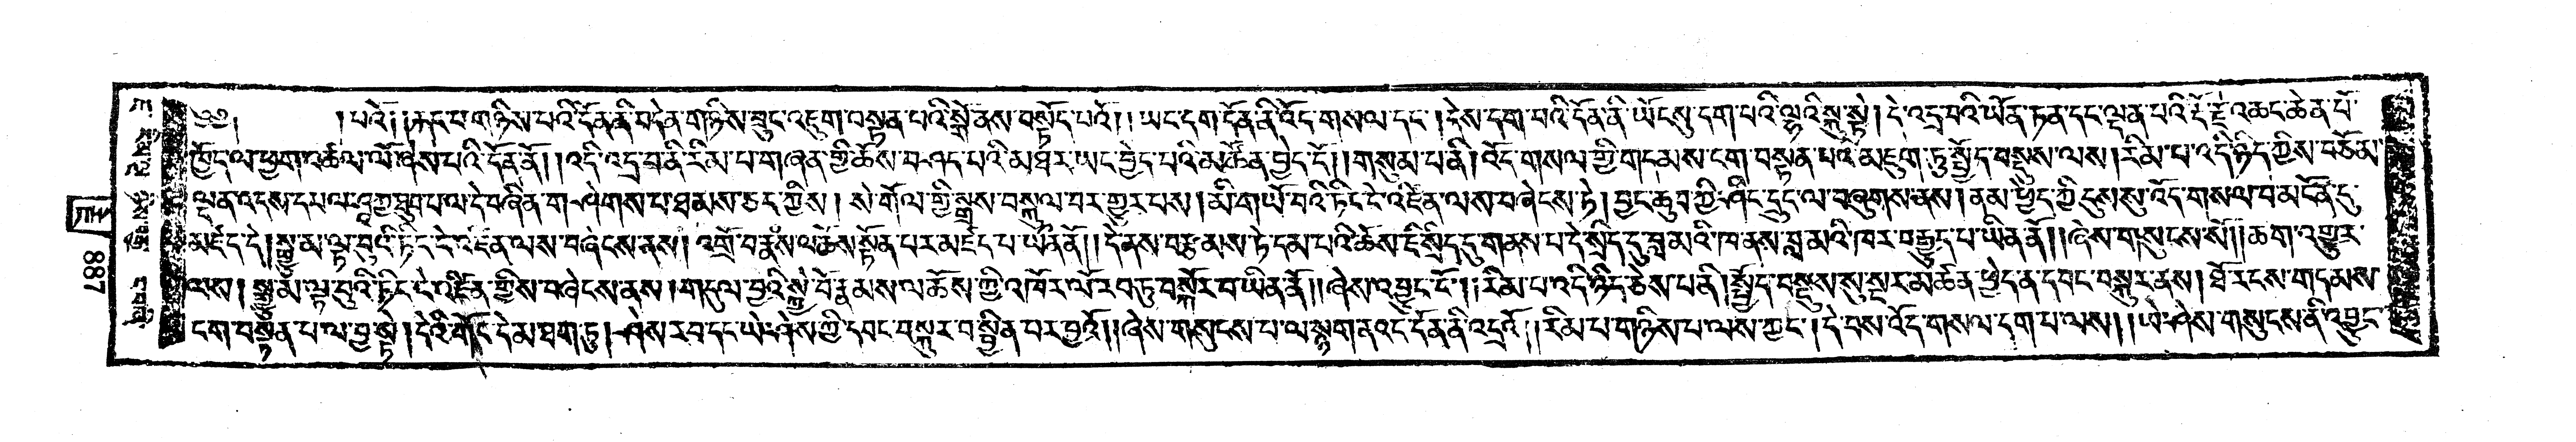༄༅། །པའོ། །རྐང་པ་གཉིས་པའི་དོན་ནི་བདེན་གཉིས་ཟུང་འཇུག་བསྟན་པའི་སྒོ་ནས་བསྟོད་པའོ། །ཡང་དག་དོན་ནི་འོད་གསལ་དང་། དེས་དག་པའི་དོན་ནི་ཡོངས་སུ་དག་པའི་ལྷའི་སྐུ་སྟེ། དེ་འདྲ་བའི་ཡོན་ཏན་དང་ལྡན་པའི་རྡོ་རྗེ་འཆང་ཆེན་པོ་
ཁྱོད་ལ་ཕྱག་འཚལ་ལོ་ཞེས་པའི་དོན་ནོ། །འདི་འདྲ་བ་ནི་རིམ་པ་གཞན་གྱི་ཆོས་བཤད་པའི་མཐར་ཡང་བྱེད་པའི་མཚོན་བྱེད་དོ། །གསུམ་པ་ནི། འོད་གསལ་གྱི་གདམས་ངག་བསྟན་པའི་མཇུག་ཏུ་སྤྱོད་བསྡུས་ལས། རིམ་པ་འདི་ཉིད་ཀྱིས་བཅོམ་
ལྡན་འདས་དཔལ་ཤཱཀྱ་ཐུབ་པ་ལ་དེ་བཞིན་གཤེགས་པ་ཐམས་ཅད་ཀྱིས། སེ་གོལ་གྱི་སྒྲས་བསྐུལ་བར་གྱུར་པས། མེ་གཡོ་བའི་ཏིང་ངེ་འཛིན་ལས་བཞེངས་ཏེ། བྱང་ཆུབ་ཀྱི་ཤིང་དྲུང་ལ་བཞུགས་ནས། ནམ་ཕྱེད་ཀྱི་དུས་སུ་འོད་གསལ་བ་མངོན་དུ་
མཛད་དོ། སྒྱུ་མ་ལྟ་བུའི་ཏིང་ངེ་འཛིན་ལས་བཞེངས་ནས། འགྲོ་བ་རྣམས་ལ་ཆོས་སྟོན་པར་མཛད་པ་ཡིན་ནོ། །དེ་ནས་བརྩམས་ཏེ་དམ་པའི་ཆོས་ཇི་སྲིད་དུ་གནས་པ་དེ་སྲིད་དུ་བླ་མའི་ཁ་ནས་བླ་མའི་ཁར་བརྒྱུད་པ་ཡིན་ནོ། །ཞེས་གསུངས་སོ། །ཆག་འགྱུར་
ལས། སྒྱུ་མ་ལྟ་བུའི་ཏིང་ངེ་འཛིན་གྱིས་བཞེངས་ནས། གདུལ་བྱའི་སྐྱེ་བོ་རྣམས་ལ་ཆོས་ཀྱི་འཁོར་ལོ་རབ་ཏུ་བསྐོར་བ་ཡིན་ནོ། །ཞེས་འབྱུང་ངོ། །རིམ་པ་འདི་ཉིད་ཅེས་པ་ནི། སྤྱོད་བསྡུས་སུ་སྔར་མཚན་ཕྱེད་ན་དབང་བསྐུར་ནས། ཐོ་རངས་གདམས་
ངག་བསྟན་པ་ལ་བྱ་སྟེ། དེའི་གོང་དེ་མ་ཐག་ཏུ། ཤེས་རབ་དང་ཡེ་ཤེས་ཀྱི་དབང་བསྐུར་བ་སྦྱིན་པར་བྱའོ། །ཞེས་གསུངས་པ་ལ་སྙེག་ནའང་དོན་ནི་འདྲའོ། །རིམ་པ་གཉིས་པ་ལས་ཀྱང་། དེ་བས་འོད་གསལ་དག་པ་ལས། །ཡེ་ཤེས་གསུངས་ནི་འབྱུང་